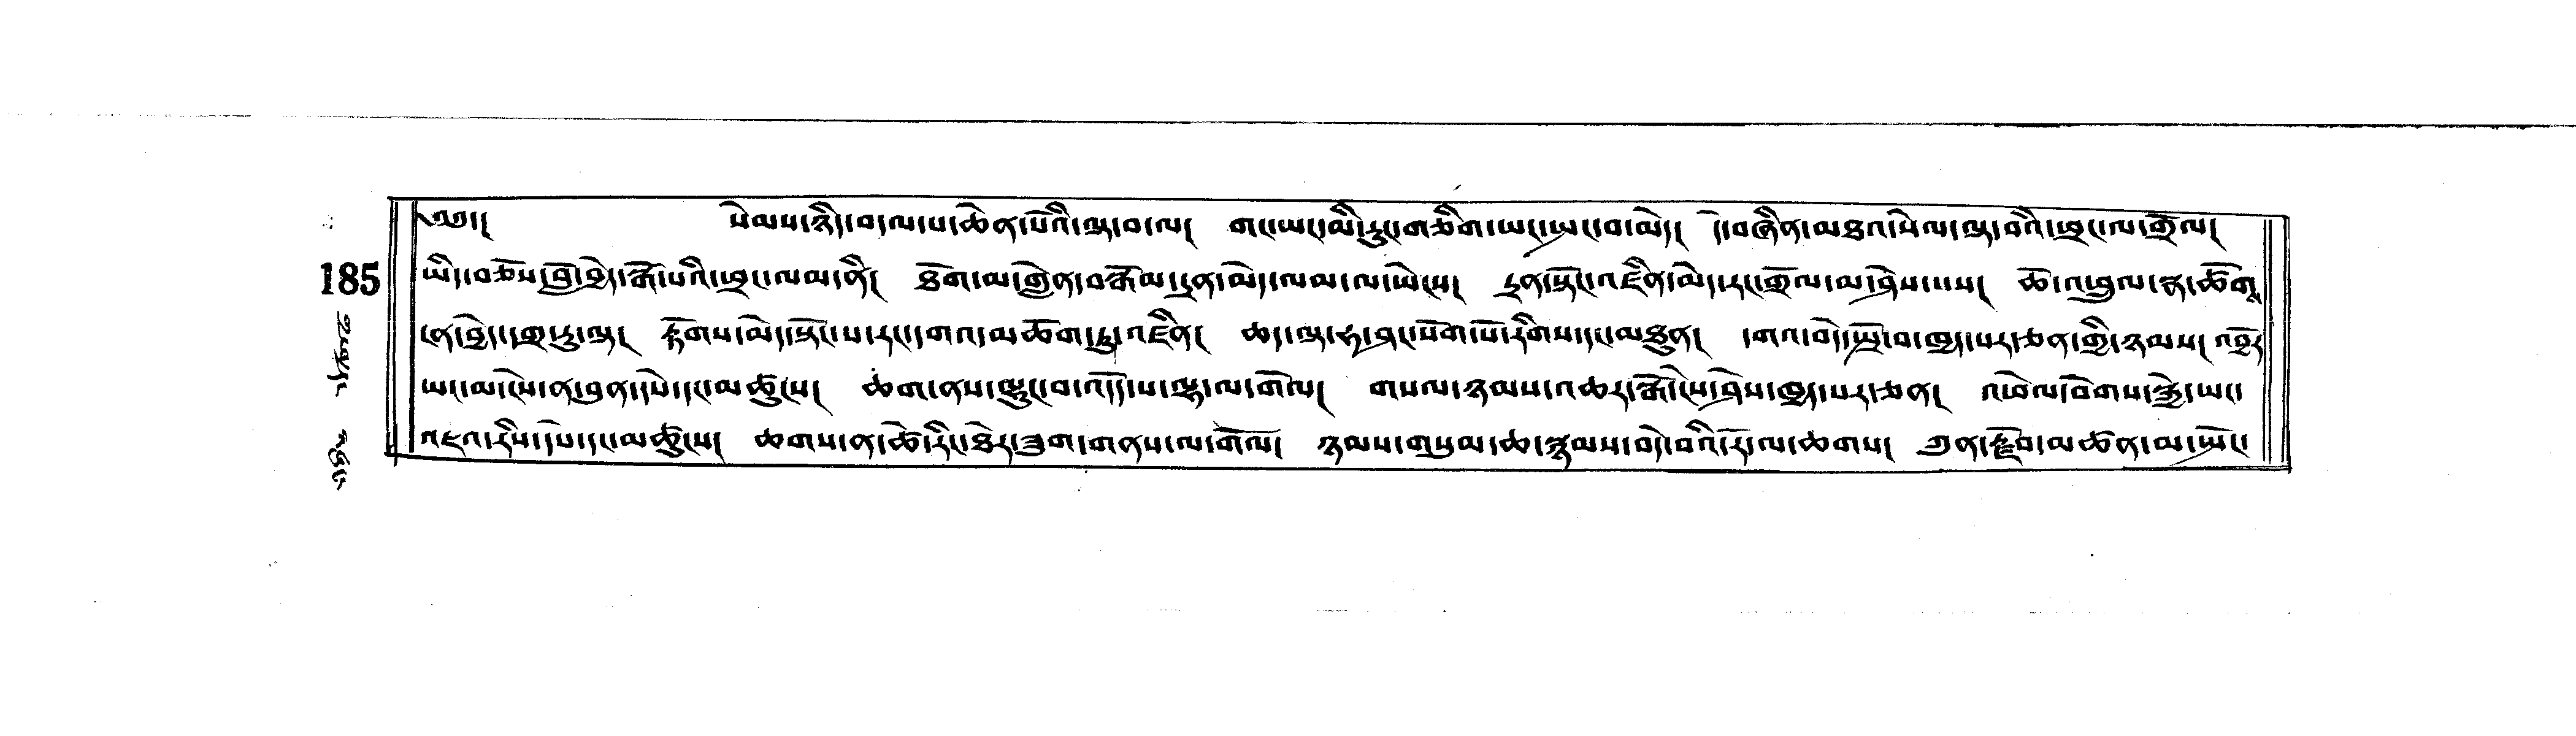སེམས་ཉིད་བདལ་པ་ཆེན་པའི་ལྟ་བ་ལ། གང་ཡང་མི་རུང་གཅིག་ཀྱང་སྤང་བ་མེད། དེ་བཞིན་མཐའ་སེལ་ལྟ་བའི་འཕྲང་ལས་གྲོལ། ༧ 
ཡིད་བཅོས་བློ་བྱེད་སྒོམ་པའི་འཕྲང་ལམ་ནི། ཐོག་མ་གླེན་སྒོམ་དྲན་མེད་ལམ་ལ་ཡེངས། དྲན་སྟོང་འཛིན་མེད་རང་གྲོལ་མ་ཤེས་པས། ཆོ་འཕྲུལ་སྣ་ཚོགས་
ངན་བྱེད་དགྲ་རུ་ལྟ། རྟོགས་མེད་སྟོང་པ་རང་དགའ་མཆོག་ཏུ་འཛིན། ཆད་ལྟ་ཧ་ཤང་སོག་པོ་རིགས་དང་མཐུན། དགའ་བདེ་སྤྲོ་བ་ཁྱད་པར་ཅན་གྱི་ཉམས། འབྱོར་
ཡང་མ་ངེས་ན་བུན་དཔེ་དང་མཚུངས། ཆག་ནས་ལྷུང་བ་འདོད་པ་ལྷ་ལ་གོལ། གསལ་ཉམས་འཆར་སྒོ་ངེས་ཤེས་ཁྱད་པར་ཅན། འཕེལ་བོགས་སྐྱེ་ཡང་
འཇའ་རིས་དཔེ་དང་མཚུངས། ཆགས་ན་ཚེ་རིང་ཐེར་ཟུགས་གནས་ལ་གོལ། ཉམས་གསུམ་ཆ་མཉམ་བདེ་བའི་རོ་ལ་ཆགས། ཀུན་རྫོབ་མཚན་མ་སྤོང་